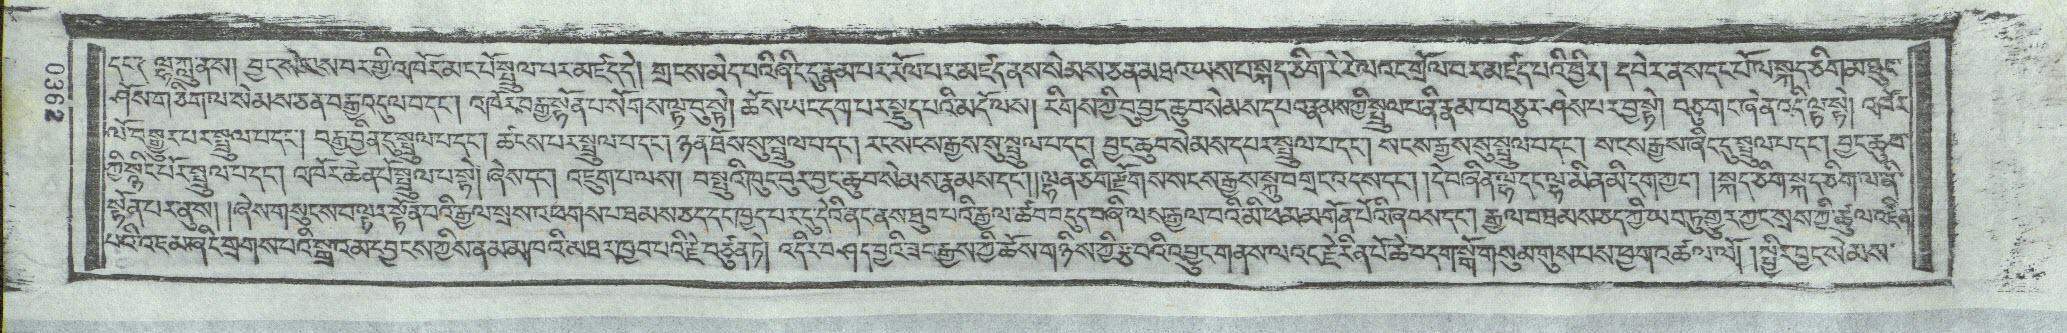དང༑ ལྷ་ཀླུ་ནས། བྱང་སེམས་བར་གྱི་འཁོར་མང་པོ་སྤྲུལ་པར་མཛད་དེ། གྲངས་མེད་པའི་ཞིང་དུ་རྣམ་པར་རོལ་པར་མཛད་ནས་སེམས་ཅན་མཐའ་ཡས་པ་སྐད་ཅིག་རེ་རེ་ལའང་གྲོལ་བར་མཛད་པའི་ཕྱིར། དཔེར་ནས་དང་པོ་ལ་སྐད་ཅིག་མཐུང་
ཤོས་གཅིག་ལ་སེམས་ཅན་བརྒྱ་འདུལ་བ་དང་། འཁོར་བརྒྱ་སྟོན་པས་སོགས་ལྟ་བུ་སྟེ། ཆོས་ཡང་དག་པར་སྡུད་པའི་མདོ་ལས། རིགས་ཀྱི་བུ་བྱང་ཆུབ་སེམས་དཔའ་རྣམས་ཀྱི་སྤྲུལ་པ་ནི་རྣམ་པ་བཅུར་ཤེས་པར་བྱ་སྟེ། བཅུ་གང་ཞིན་འདི་ལྟ་སྟེ། འཁོར་
ལོ་བསྒྱུར་པར་སྤྲུལ་པ་དང་། བརྒྱ་བྱིན་དུ་སྤྲུལ་པ་དང་། ཚངས་པར་སྤྲུལ་པ་དང་། ཉན་ཐོས་སུ་སྤྲུལ་བ་དང་། རང་སངས་རྒྱས་སུ་སྤྲུལ་པ་དང་། བྱང་ཆུབ་སེམས་དཔར་སྤྲུལ་པ་དང་། སངས་རྒྱས་སུ་སྤྲུལ་པ་དང་། སངས་རྒྱས་ཞིང་དུ་སྤྲུལ་པ་དང་། བྱང་ཆུབ་
ཀྱི་སྙིང་པོར་སྤྲུལ་པ་དང་། འཁོར་ཆེན་པོ་སྤྲུལ་པ་སྟེ། ཞེས་དང་། འཇུག་པ་ལས། བ་སྤུའི་ཁུང་བུར་བྱང་ཆུབ་སེམས་རྣམས་དང་། །ལྷན་ཅིག་རྫོགས་སངས་རྒྱས་སྐུ་བགྲང་འདས་དང་། །དེ་བཞིན་ལྷ་དང་ལྷ་མིན་མི་དག་ཀྱང་། །སྐད་ཅིག་སྐད་ཅིག་ལ་ནི་
སྟོན་པར་ནུས། །ཞེས་གསུངས་པ་ལྟར་སྟོན་པའི་རྒྱལ་སྲས་འཕགས་པ་ཐམས་ཅད་དང་ཁྱད་པར་དུ་དེའི་ནང་ནས་ཐུབ་པའི་རྒྱལ་ཚབ་བདུད་བཞི་ལས་རྒྱལ་བའི་མི་ཕམ་མགོན་པོའི་ཞབས་དང་། རྒྱལ་པ་ཐམས་ཅད་ཀྱི་ཡབ་ཏུ་གྱུར་ཀྱང་སྲས་ཀྱི་ཚུལ་འཛིན་
པའི་འཇམ་ཞིང་གྲགས་པའི་སྒྲ་འམ་དབྱངས་ཀྱིས་ནམ་མཁའི་མཐར་ཁྱབ་པའི་རྗེ་བཙུན་སྟེ། འདིར་བཤད་བྱའི་ཟད་རྒྱས་ཀྱི་ཆོས་གཉིས་ཀྱི་རྩ་བའི་འབྱུང་གནས་ལའང་རྗེ་རིན་པོ་ཆེ་བདག་སྒོ་གསུམ་གུས་པས་ཕྱག་འཚལ་ལོ། །སྤྱིར་བྱང་སེམས་